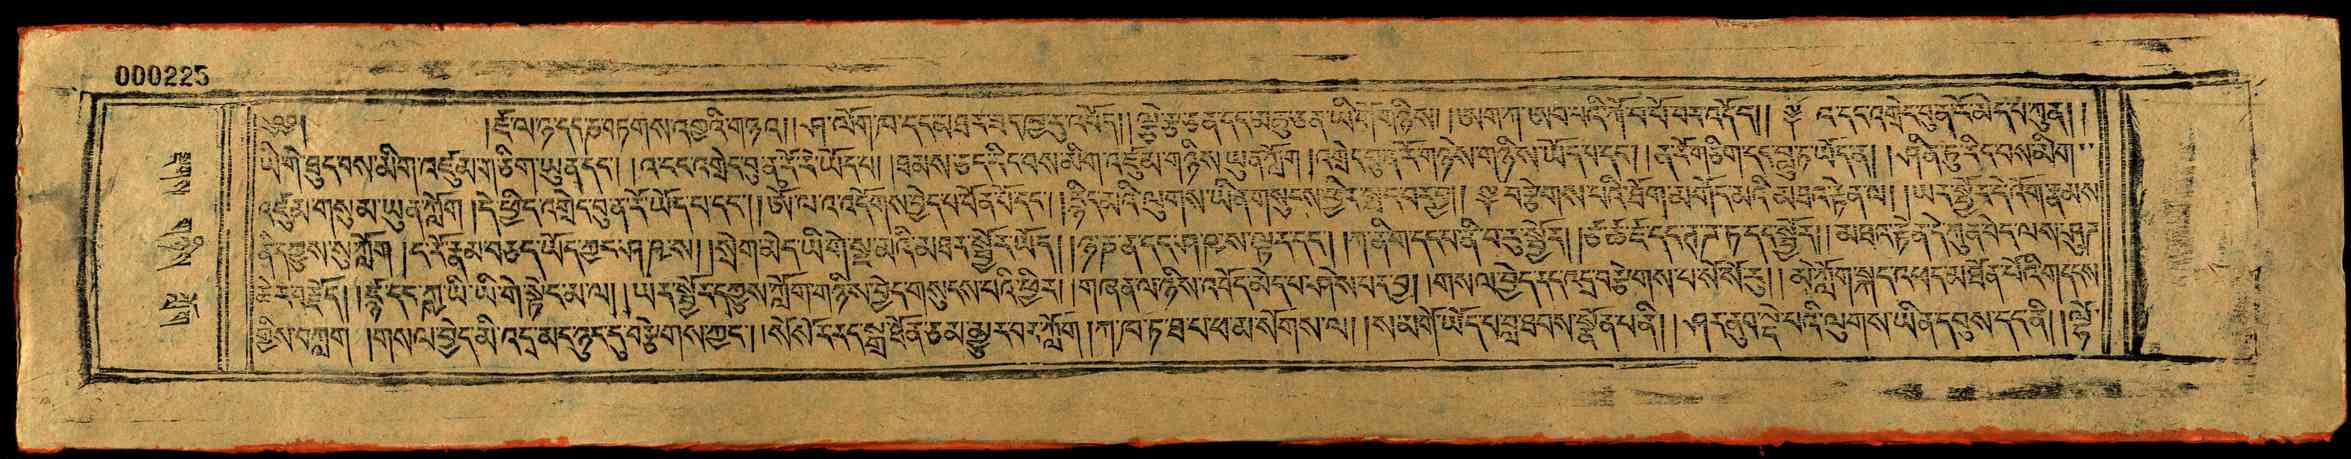༄༅། །ཛ་ལ་ཉ་དང་ཎ་བཏགས་འགྱའ་གཉའ། །ཤ་ལོག་ཁ་དང་མཐར་ཐད་ཁྱ་རུ་འབང་། །ལྕ་རྩ་ཅན་དང་མཆུ་ཅན་ཡི་གེ་གཉིས། །ཨག་ཀ་ཨབ་པའི་ཀ་བ་པོ་བར་འབོད།། འ་འ་དང་འགྲེང་བུ་ན་རོ་མེད་པ་ཀུན། །
ཡི་གེ་ཐུང་བས་མིག་འཛུམ་གཅིག་ཡུན་དང་། །འ་དང་འགྲེང་བུ་ན་རེ་རེ་ཡོད་པ། །ཐམས་ཅད་རིང་བས་མིག་འཛུམ་གཉིས་ཡུན་ཀློག། །འགྲེང་བུ་ན་རོ་གཉིས་གཉིས་ཡོད་པ་དང་། །ན་རོ་གཅིག་དང་པཱུ་ཏ་ཡོད་ན། །ཤིན་ཏུ་རིང་བས་མག་
འཛུམ་གསུམ་ཡུན་ཀློག །དེ་ཕྱིར་འགྲེང་བུ་ན་རོ་ཡོད་པ་དང་། ཨོཾ་ལ་འ་འདོགས་བྱེད་པ་བོན་པོ་དང་། །རྙིང་མའི་ལུགས་ཡིན་གསུངས་ཕྱིར་སྤང་བར་བྱ།། འ་བརྩེགས་པའི་ཐོག་མ་གོང་མའི་མཐའ་རྟེན་ལ། །ཡང་སྦྱོར་དེ་འོག་རྣམས་
ནི་དཀྱུས་སུ་ཀློག །ང་རོ་རྣམ་བཅད་ཡོད་ཀྱང་ཤ་ཥ་ས། །སྲོག་མེད་ཡི་གེ་སྔ་མའི་མཐར་སྦྱོར་ཡོད། །ཉ་ཎ་ན་དང་ཤ་ཥ་ས་ལྟར་དང་། །ཀ་ནི་ག་དང་པ་ན་བ་རུ་སྦོང་། །ཙ་ཚ་ཛ་དང་ཊ་ཌ་ཏ་དང་སྦྱོར། །མཐའ་རྟེན་དེ་ཀུན་བདེ་ལས་ཤུཌ་
ཆེར་བརྗོད། །ཛྷ་དང་ཀྵ་ཡི་ཡི་གེ་སྟེང་མ་ལ། །ཡར་སྦྱོར་དཀྱུས་ཀློག་གཉིས་བྱེད་གསུངས་པའི་ཕྱིར། །གཞན་ལ་གཉིས་འབོད་ཆད་པ་ཤེས་པར་བྱ། །གསལ་བྱེད་རང་འདྲ་བརྩེགས་པ་སོ་སོ་རུ། །མེ་ཀློག་སྐད་འཕང་མཐོན་པོའི་གདངས་
ཀྱིས་བཀླག །གསལ་བྱེད་མི་འདྲ་མང་ཉུང་དུ་བརྩེགས་ཀྱང་། །སོ་སོར་རང་སྒྲ་ཐོན་ཙམ་མྱུར་བར་ཀློག །ཀ་ཁ་ཏ་ཐ་པ་ཕ་མ་སོགས་ལ། །ས་མགོ་ཡོད་པ་བླ་ཐབས་སྣོན་པ་ནི། །ཤར་ནུབ་སྡེ་པའི་ལུགས་ཡིན་དབུས་དང་ནི། །ལྷོ་